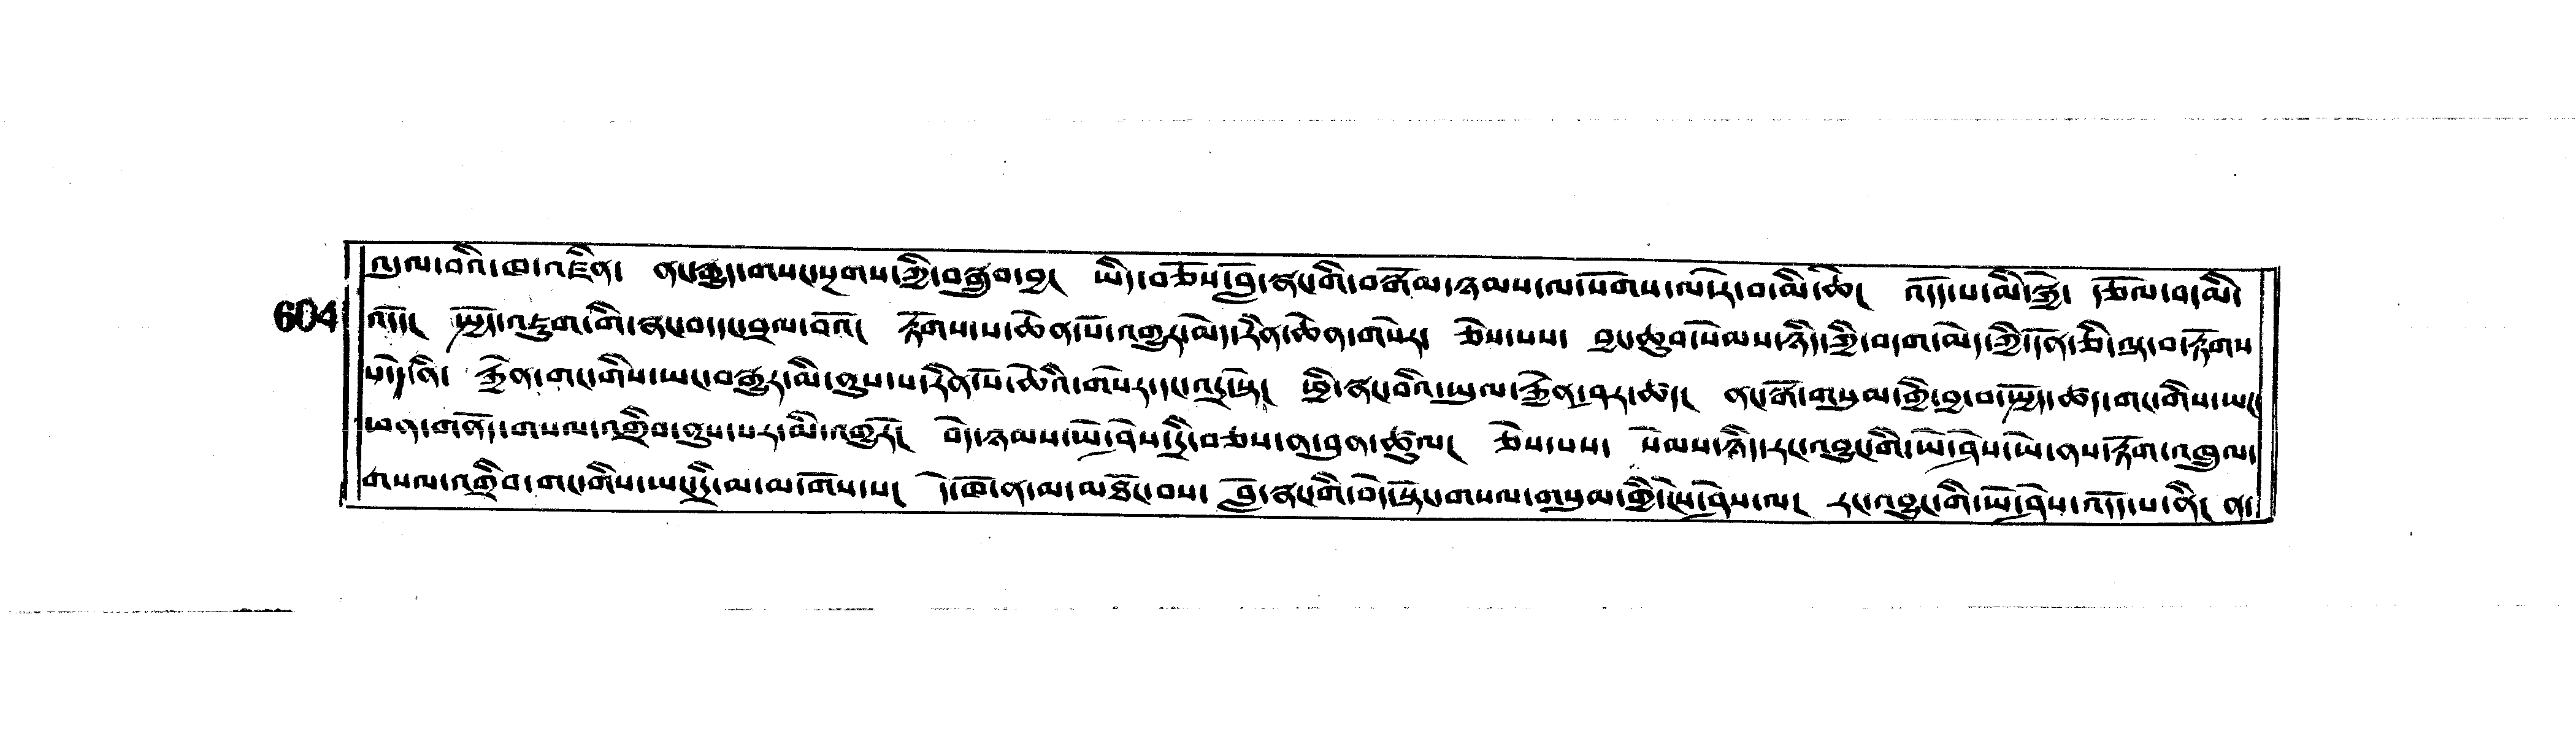འདུལ་བའི་ཁ་འཛིན། ནང་རྒྱུད་གསང་སྔགས་ཀྱི་བསྒྲུབ་བྱ། ཡིད་བཅོས་བློ་སྣང་གི་སྒོམ་ཉམས་ལ་སོགས་ལ་རེ་བ་མི་ཆེ། འདོད་པ་མི་སྐྱེ། རྩོལ་བ་མི་
འདོད། སྤྱོད་འཇུག་གི་སྣང་བ་དང་བྲལ་བའོ། རྟོགས་པ་ཆེན་པོ་འགྱུར་མེད་རིན་ཆེན་གསེར། ཅེས་པས། བྱང་ཆུབ་སེམས་ཉིད་ཀྱི་བདག་མེད་ཀྱི་དོན་ཅི་ལྟ་བ་རྟོགས་
པ་དེ་ནི། རྐྱེན་གང་གིས་ཡང་བསྒྱུར་མི་ནུས་པ་རིན་པོ་ཆེའི་གསེར་དང་འདྲ་སྟེ། ཕྱི་སྣང་བའི་ཡུལ་རྐྱེན་ཤར་ཚད། ནང་སྒོ་གསུམ་གྱི་བྱ་བ་སྤྱོད་ཚད་གང་གིས་ཡང་
ཕན་གནོད་གསལ་འགྲིབ་ནུས་པར་མི་འགྱུར་རོ། བདེ་ཉམས་ཡེ་ཤེས་དྲི་བཅས་ན་བུན་ཚུལ། ཅེས་པས། སེམས་ཉིད་རང་འབྱུང་གི་ཡེ་ཤེས་ཡེ་ནས་རྟོགས་འཁྲུལ་
གསལ་འགྲིབ་གང་གིས་ཡང་དྲི་མས་མ་གོས་པ། དེ་ཁོ་ན་མ་མཐོང་བས། བློ་སྣང་གི་བདེ་སྟོང་གསལ་གསུམ་གྱི་ངེས་ཤེས་ལ། རང་འབྱུང་གི་ཡེ་ཤེས་འདོད་པ་ནི། ན་